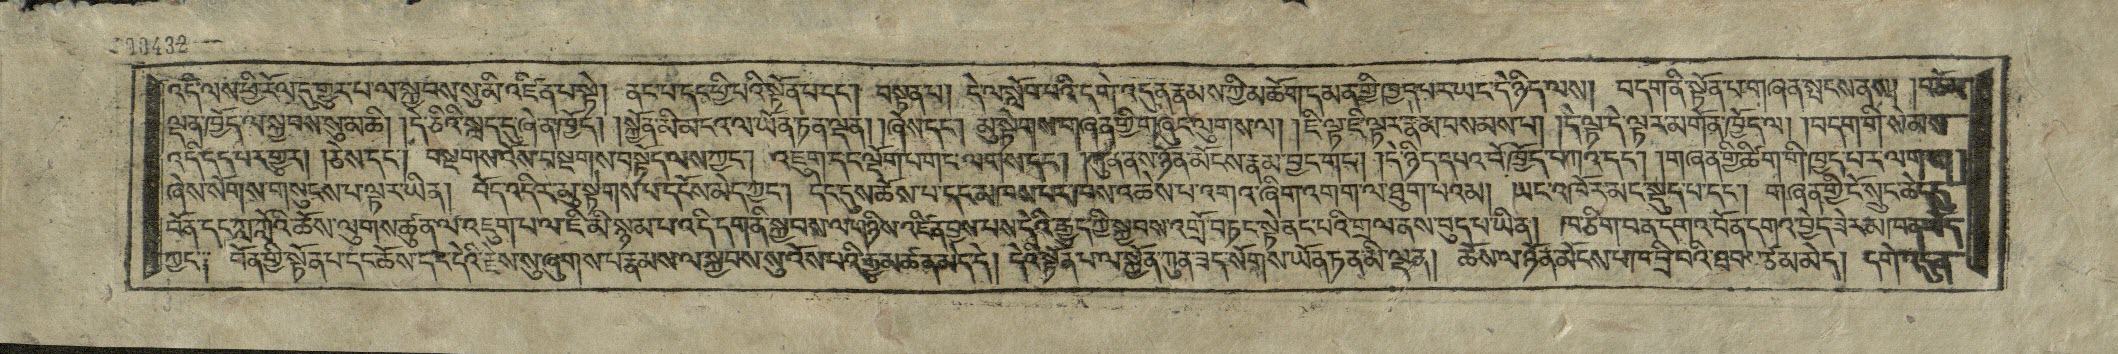འདི་ལས་ཕྱི་རོལ་དུ་གྱུར་པ་ལ་སྐྱབས་སུ་མི་འཛིན་པ་སྟེ། ནང་པ་དང་ཕྱི་བའི་སྟོན་པ་དང་། བསྟན་པ། དེ་ལ་སློབ་པའི་དགེ་འདུན་རྣམས་ཀྱི་མཆོག་དམན་གྱི་ཁྱད་པར་ཡང་དེ་ཉིད་ལས།བདག་ནི་སྟོན་པ་གཞན་སྤངས་ནས། །བཅོམ་
ལྡན་ཁྱོད་ལ་སྐྱབས་སུ་མཆི། །དེ་ཅིའི་སླད་དུ་ཞེ་ན་ཁྱོད། །སྐྱོན་མི་མངའ་ལ་ཡོན་ཏན་ལྡན། །ཞེས་དང་། མུ་སྟེགས་གཞན་གྱི་གཞུང་ལུགས་ལ། །ཇི་ལྟ་ཇི་ལྟར་རྣམ་བསམས་པ། །དེ་ལྟ་དེ་ལྟར་མགོན་ཁྱོད་ལ། །བདག་གི་སེམས་
འདི་དད་པར་གྱུར། །ཅེས་དང་། བསྔགས་འོས་བསྔགས་བསྟོད་ལས་ཀྱང་། འཇུག་དང་ལྡོག་པ་གང་ལགས་དང་། །ཀུན་ནས་ཉོན་མོངས་རྣམ་བྱང་གང་། །དེ་ཉིད་དཔའ་བོ་ཁྱོད་བཀའ་དང་། །གཞན་གྱི་ཚིག་གི་ཁྱད་པར་ལགས། །
ཞེས་སོགས་གསུངས་པ་ལྟར་ཡིན། བོད་འདིར་མུ་སྟེགས་པ་དངོས་མེད་ཀྱང་། དེང་དུས་ཆོས་པ་དང་མཁས་པར་ཁས་འཆེས་པ་འགའ་ཞིག་འགག་ལ་ཐུག་པའམ། ཡང་འཁོར་མང་སྡུད་པ་དང་། གཞན་གྱི་ངོ་སྲུང་ཆེད་དུ་
བོན་དང་ཀླ་ཀློའི་ཆོས་ལུགས་ཚུན་ལ་འཇུག་པ་ལ་ཇི་མི་སྙམ་པ་འདི་དག་ནི་སྐྱབས་ལ་གཉིས་འཛིན་བྱས་པས་དེའི་རྒྱུད་ཀྱི་སྐྱབས་འགྲོ་བཏང་སྟེ་ནང་པའི་གྲལ་ནས་བུད་པ་ཡིན། ཁ་ཅིག་བན་དགའ་བོན་དགའ་བྱེད་ཟེར་མཁན་ཡོད་
ཀྱང༑ བོན་གྱི་སྟོན་པ་དང་ཆོས་དང་དེའི་རྗེས་སུ་ཞུགས་པ་རྣམས་ལ་སྐྱབས་སུ་འོས་པའི་རྒྱུ་མཚན་མེད་དེ། དེའི་སྟོན་པ་ལ་སྐྱོན་ཀུན་ཟད་སོགས་ཡོན་ཏན་མི་ལྡན། ཆོས་ལ་ཉོན་མོངས་པ་ཁ་བྲི་བའི་ཐབས་ཙམ་མེད། དགེ་འདུན་